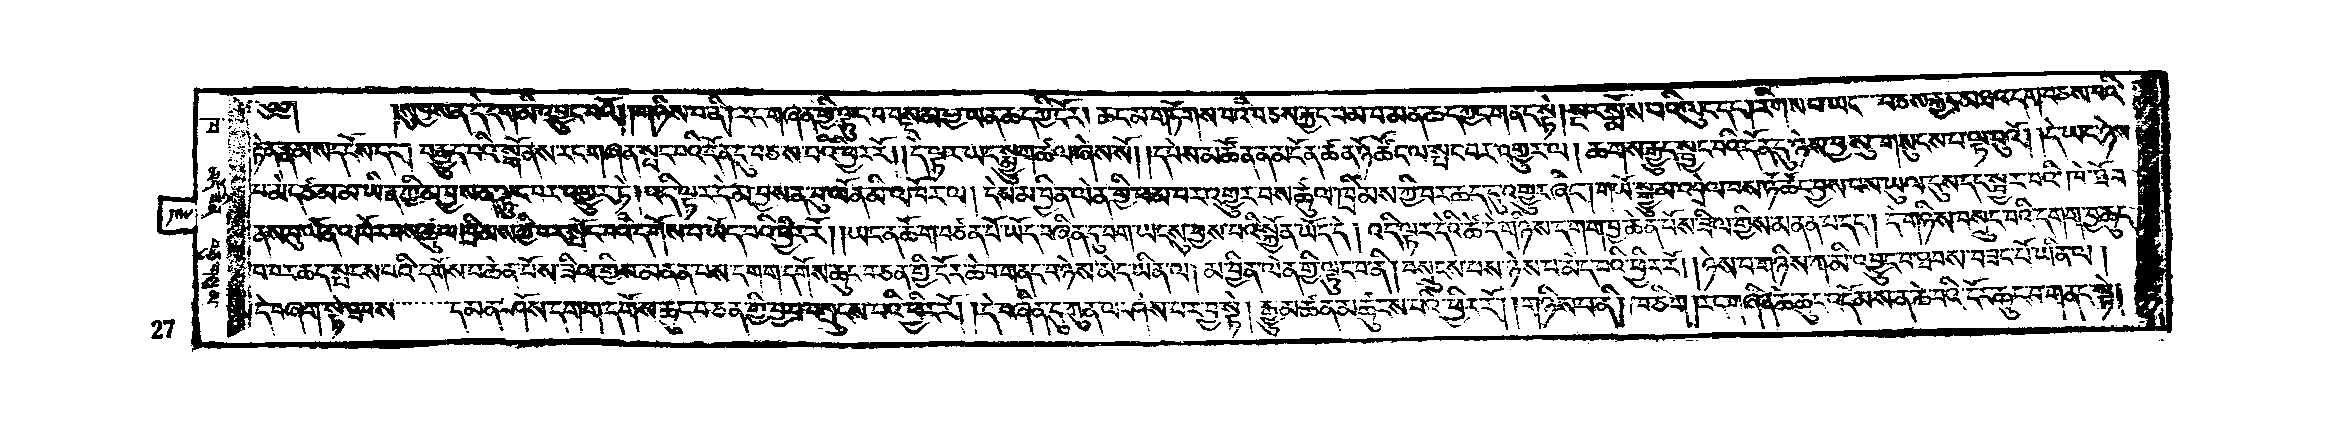༄༅། །སུ་བྱས་ན་དེ་དག་མི་འབྱུང་བའོ། །གཉིས་པ་ནི། རང་གཞན་གྱི་ལྟུང་བ་བསྡམ་བྱ་ཡན་ཆད་ཀྱི་ངོར། ཆང་མ་གཏོགས་པའི་བཅས་རྐྱང་ཕམ་པ་མན་ཆད་ཀྱང་གནང་སྟེ། སྔར་སྨོས་པའི་ལུང་དང་། རིགས་པ་ཡང་བཅས་རྐྱང་མཐའ་དག་བཅས་པའི་
རྟེན་རྣམས་དངོས་དང་། བརྒྱུད་པའི་སྒོ་ནས་རང་གཞན་སྤང་བའི་དོན་དུ་བཅས་པའི་ཕྱིར་རོ། །དེ་ལྟར་ཡང་སྨྱུག་ཚལ་ཞེས་སོ། །དཔེས་མཚོན་ན་མངོན་ཚན་ཉོ་ཚོང་ལ་སྤང་བར་འགྱུར་ལ། ཆགས་རྒྱུད་སྦྱང་བའི་དོན་དུ་ཉེས་བྱས་སུ་གསུངས་པ་ལྟ་བུའོ། །དེ་ཡང་ཉེས་
པ་མེད་ཙམ་མ་ཡིན་གྱི་མ་བྱས་ན་ལྟུང་བར་འགྱུར་ཏེ། འདི་ལྟར་དེ་མ་བྱས་ན་བུ་ལོན་མི་འཁོར་ལ། དེས་མ་བྱིན་ལེན་གྱི་ཕམ་པར་འགྱུར་བས་ཚུལ་ཁྲིམས་ཀྱི་བར་ཆད་དུ་འགྱུར་ཞིང་། གཡོ་སྒྱུ་མ་འབྲེལ་བས་ཉོ་ཚོང་བྱས་པས་ཡུལ་དུས་དང་སྦྱར་བའི་ཁེ་ཐོབ་
ནས་བུ་ལོན་འཁོར་བས་ཚུལ་ཁྲིམས་ཀྱི་བར་སྤོང་བའི་དགོས་པ་ཡོད་པའི་ཕྱིར་རོ། །ཡང་ན་ཆོ་ག་བཙན་པོ་ཡོད་བཞིན་དུ་བག་ཡངས་སུ་བྱས་པའི་སྐྱོན་ཡོད་དེ། འདི་ལྟར་དེའི་ཚེ་དེ་གཉིས་དགག་བྱ་ཆེན་པོས་ཟིལ་གྱིས་མནན་པ་དང་། དེ་གཉིས་བསྲུང་བའི་དགག་བྱ་ཆུང་
བ་བར་ཆད་སྤངས་པའི་དགོས་པ་ཆེན་པོས་ཟིལ་གྱིས་མནན་པས་དགག་དགོས་ཆུང་བ་ཅན་གྱི་ངོར་ཆེ་བ་གནང་བ་ཉེས་མེད་ཡིན་ལ། མ་བྱིན་ལེན་གྱི་ལྟུང་བ་ནི། བསྲུངས་པས་ཉེས་པ་མེད་པའི་ཕྱིར་རོ། །ཉེས་པ་གཉིས་ཀ་མི་འབྱུང་བ་ཐབས་བཟང་པོ་ཡིན་ལ།
དེ་བཞག་སྟེ་ཐབས་དམན་ཤོས་དགག་དགོས་ཆུང་བ་ཅན་གྱི་བྱ་བ་བསྲུངས་པའི་ཕྱིར་རོ། །དེ་བཞིན་དུ་ཀུན་ལ་ཤེས་པར་བྱ་སྟེ། རྒྱུ་མཚན་མཚུངས་པའི་ཕྱིར་རོ། །གཉིས་པ་ནི། ཁ་ཅིག །རང་གཞིན་ཆེ་ཆུང་འདོམས་ན་ཆེ་བའི་ངོར་ཆུང་བ་གནང་སྟེ།